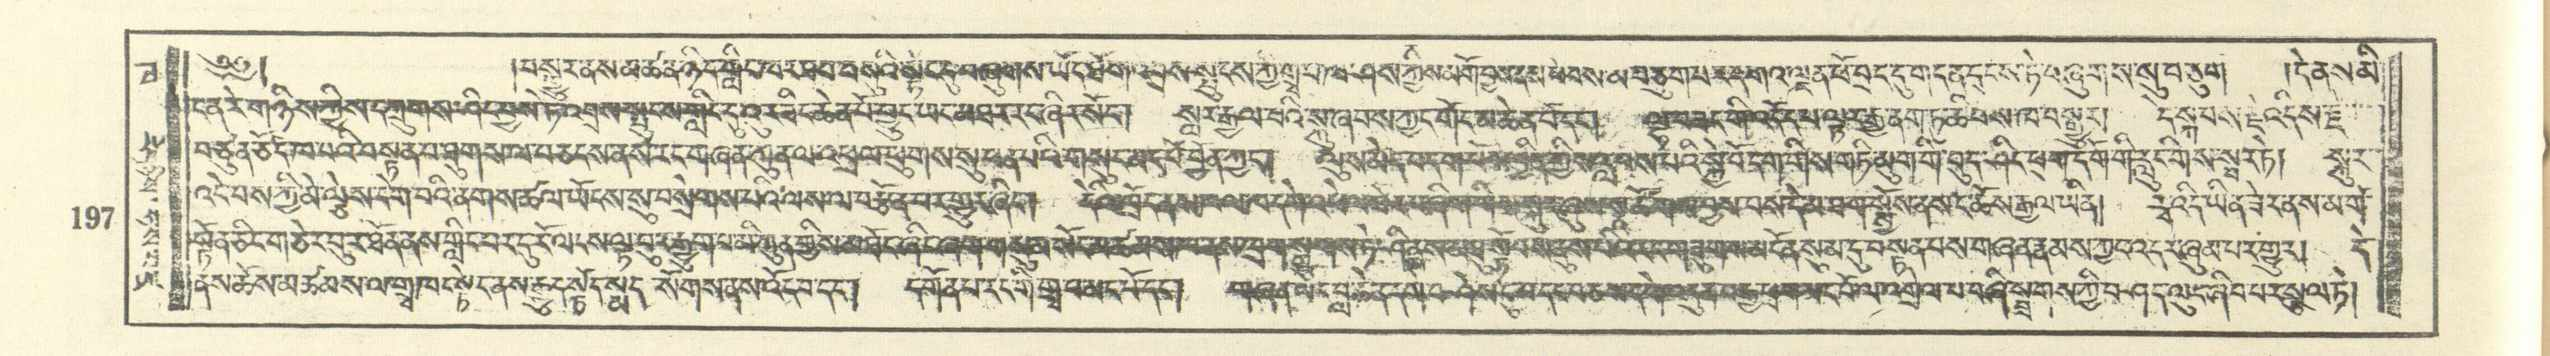༄༅། །བསྒྱུར་ནས་མཚན་ཉིད་གླིང་ཁར་ཐབ་བསུའི་སྟེང་དུ་བཞུགས་ཡོད་ཐོག་འབྲས་སྤུངས་ཀྱི་གྲྭ་པ་ཁ་ཤས་ཀྱིས་མགོ་བྱས་ནས་ཕེབས་མ་བཅུག་པར་དགའ་ལྡན་ཕོ་བྲང་དུ་གདན་དྲངས་ཏེ་བཞུགས་སུ་བཅུག །དེ་ནས་མི་
ངན་རེ་གཉིས་ཀྱིས་དཀྲུགས་ཤིང་བྱས་ཏེ་འབྲས་སྤུངས་གླིང་དུ་འུར་ཟིང་ཆེན་པོ་བྱུང་ཡང་མཐར་རང་ཞིར་སོང་། སླར་རྒྱལ་པའི་སྐུ་ཞབས་ཀྱང་གོང་མ་ཆེན་པོ་དང་། ལྷ་བཟང་གི་འདོད་པ་ལྟར་རྒྱ་ནག་ཏུ་ཆིབས་ཁ་བསྒྱུར། དེ་སྐབས་རེཇ་འདིས་རྗེ་
བཙུན་ཙོང་ཁ་པའི་བསྟན་པ་ཐུགས་ལ་བཅངས་ནས་རང་གཞན་ཀུན་ལ་འཕྲལ་ཕུགས་སུ་ཕན་པའི་གསུང་མང་པོ་བྱོན་ཀྱང་། ལུས་མེད་བདག་པོས་བྱིན་གྱིས་རླབས་པའི་སྐྱེ་བོ་དག་གིས་གཏི་མུག་གི་བུད་ཤིང་ཕྲག་དོག་གི་རླུང་གིས་སྤར་ཏེ། སྐུར་
འདེབས་ཀྱི་མེ་ལྕེས་དགེ་བའི་ནགས་ཚལ་ཡོངས་སུ་བསྲེགས་པའི་ལས་ལ་བརྩོན་པར་གྱུར་ཞིང་། དེའི་ཁྲོད་ནས་ཁལ་ཁ་དགེ་འཕེལ་ཟེར་བ་ཞིག་གིས་སྐུར་ཞུས་སྣ་ཚོགས་བྱས་པས་དེ་མ་ཐག་སྨྱོས་ནས་ང་ཆོས་རྒྱལ་ཡིན། རྭ་འདི་ཡིན་ཟེར་ནས་མགོ་
སྟོན་ཅིང་གཅེར་བུར་ཐོན་ནས་གླིང་བར་དུ་རོ་ལངས་ལྟ་བུར་རྒྱུག་པ་མི་ཀུན་གྱིས་མཐོང་ཞིང་ཞག་གསུམ་སོང་མཚམས་ཁ་ནས་ཁྲག་སྐྱུགས་ཏེ་ཤི་ནས་མཐུ་སྟོབས་ནུས་པའི་རང་གཟུགས་མངོན་སུམ་དུ་བསྟན་པས་གཞན་རྣམས་ཀྱང་འདར་ཞུམ་པར་གྱུར། དེ་
ནས་ཆོས་མཚམས་ལ་གྲྭ་ཁང་སྟེང་ནས་རྒྱུད་སྟོད་སྨད་སོགས་ནས་འོད་བ་དང་། དགོན་པ་རང་གི་གྲྭ་བ་མང་པོ་དང་། གཞན་ཡང་བླ་ཆེན་དགེ་བཤེས་དུ་མ་དང་བཅས་དགེ་འདུན་བརྒྱ་ཕྲག་མང་པོ་ལ་འགྲེལ་པ་བཞི་སྦྲགས་ཀྱི་བཤད་ལུང་ཞིབ་པར་སྩལ་ཏེ།